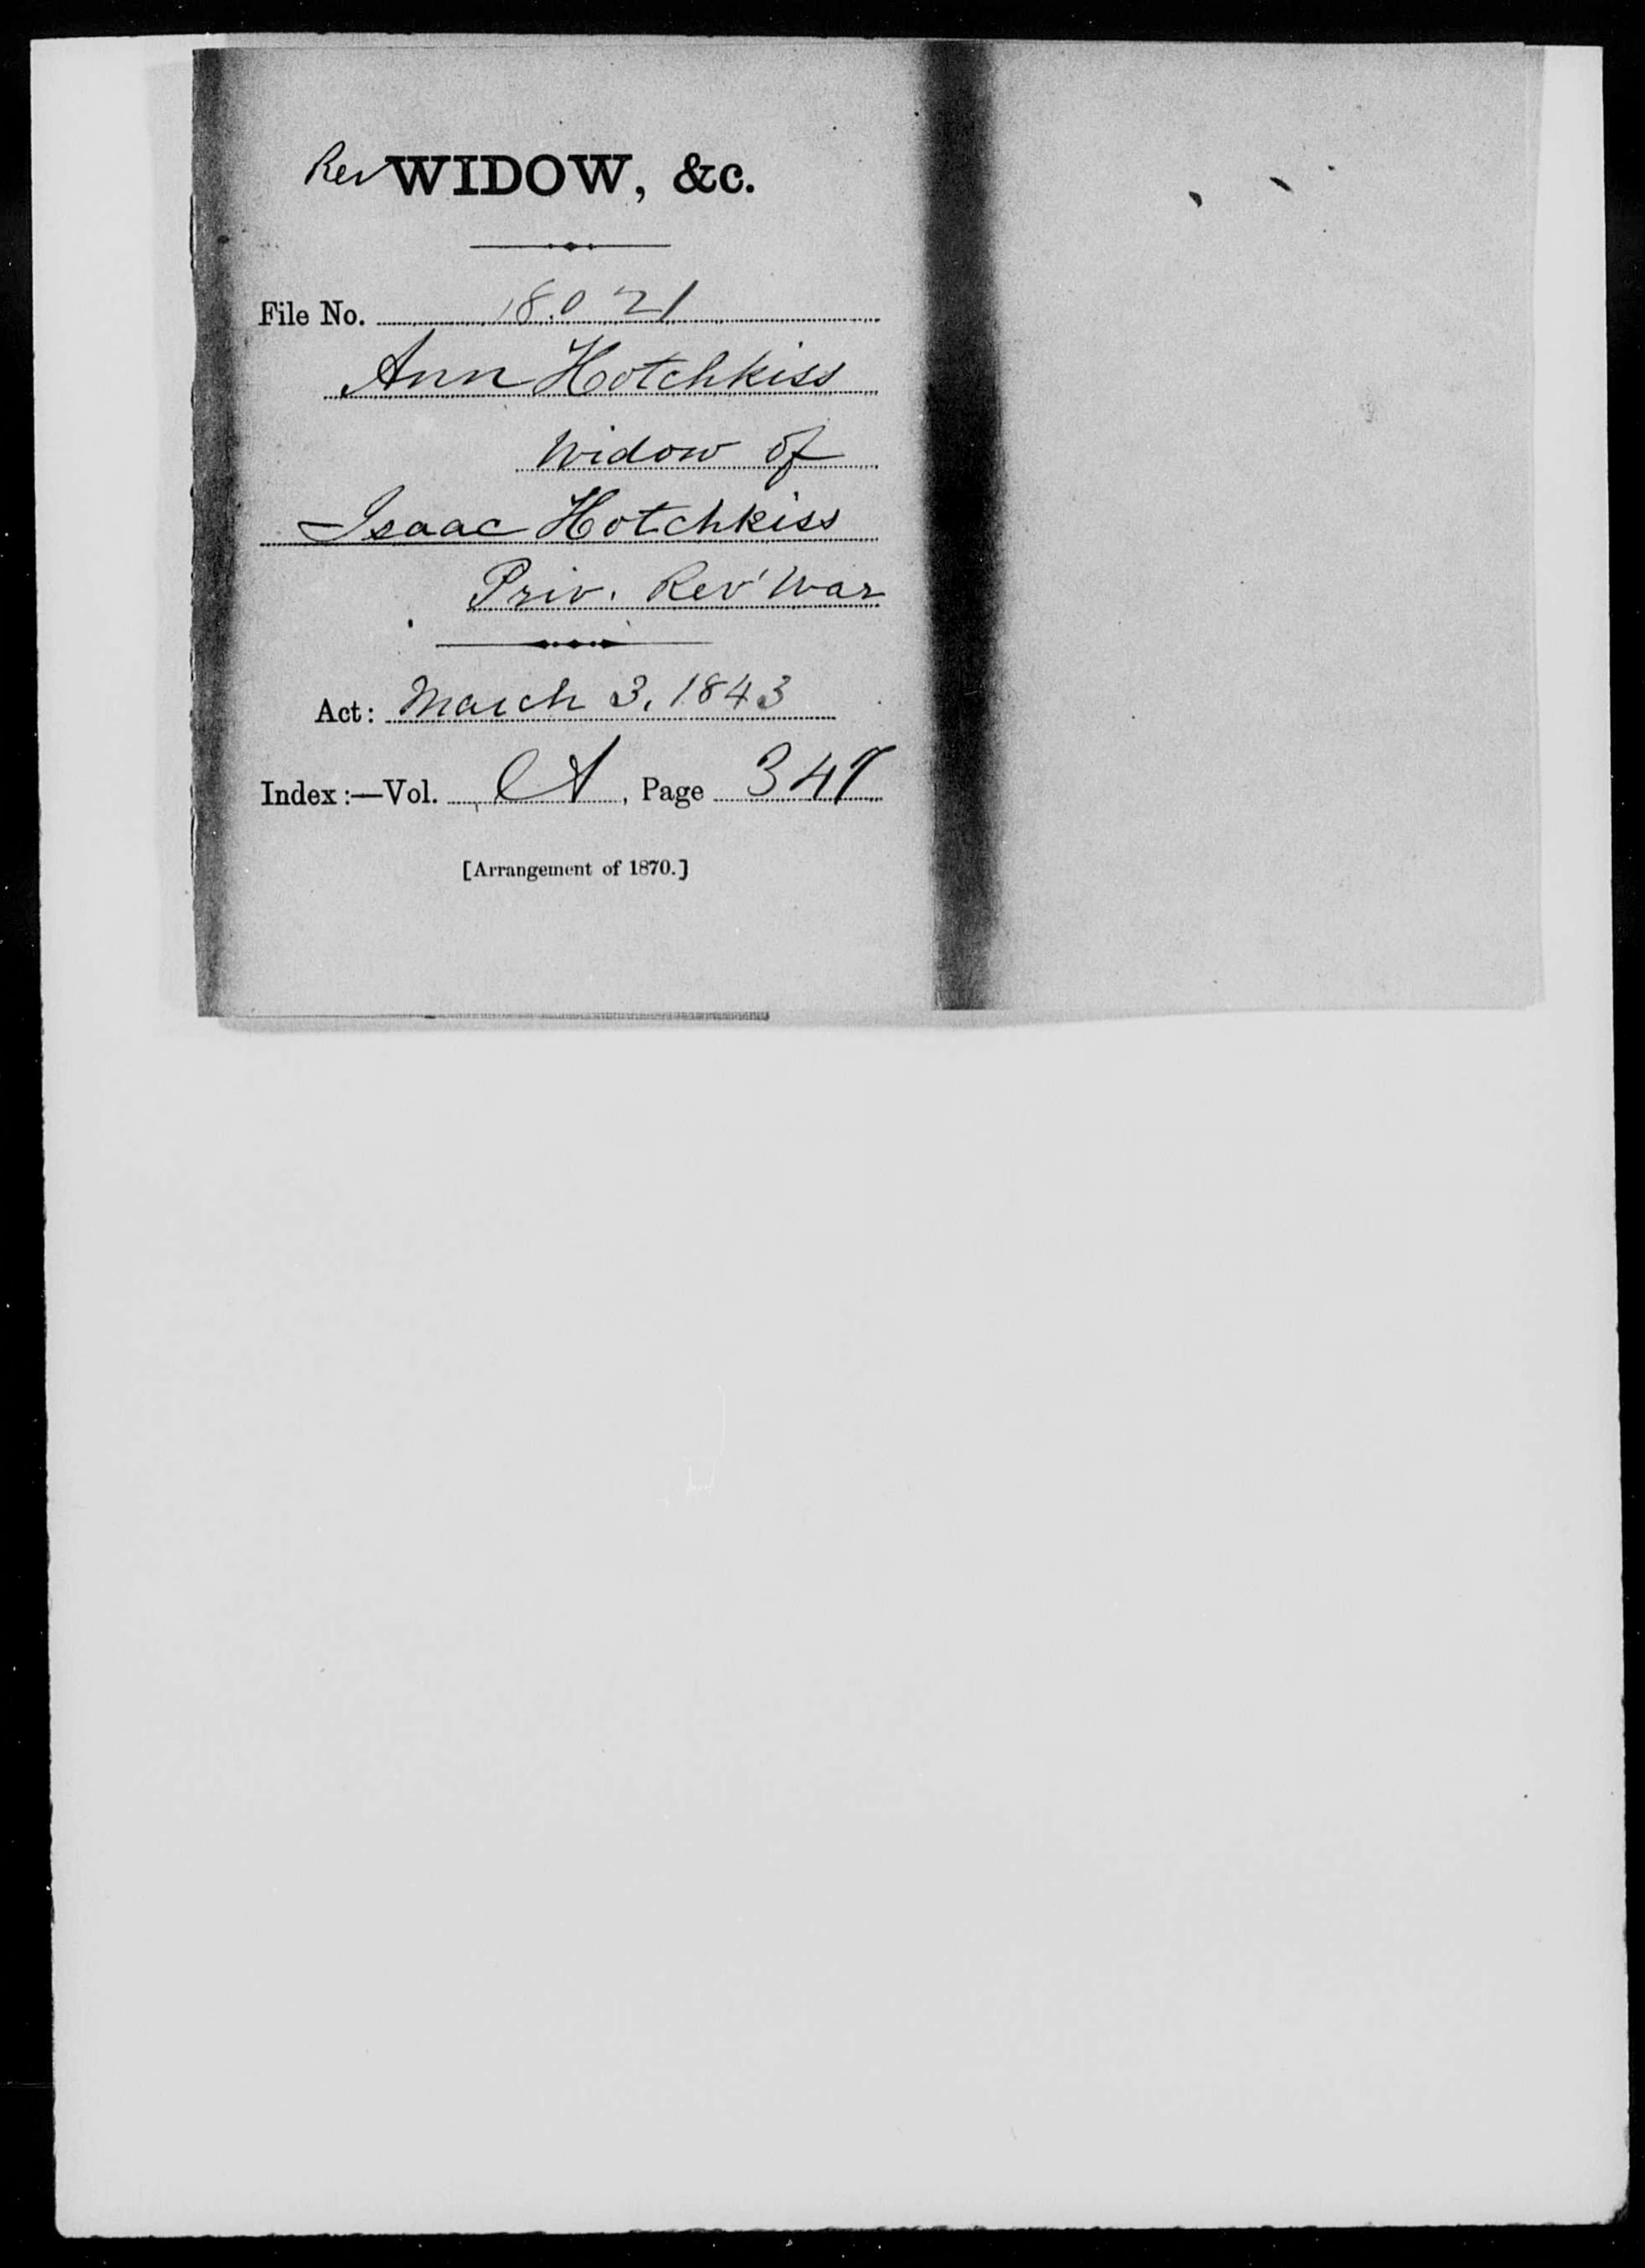Rev WIDOW. &c.
File No. 18021
Ann Hotchkiss
Widow of
Isaac Hotchkiss
Priv. Rev' War
Act: March 3. 1843
Index:- Vol. A, Page 347
[Arrangement of 1870]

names: Isaac Hotchkiss, Ann Hotchkiss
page: 15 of 25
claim: widow's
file: W. 18,021, Isaac Hotchkiss, Conn.